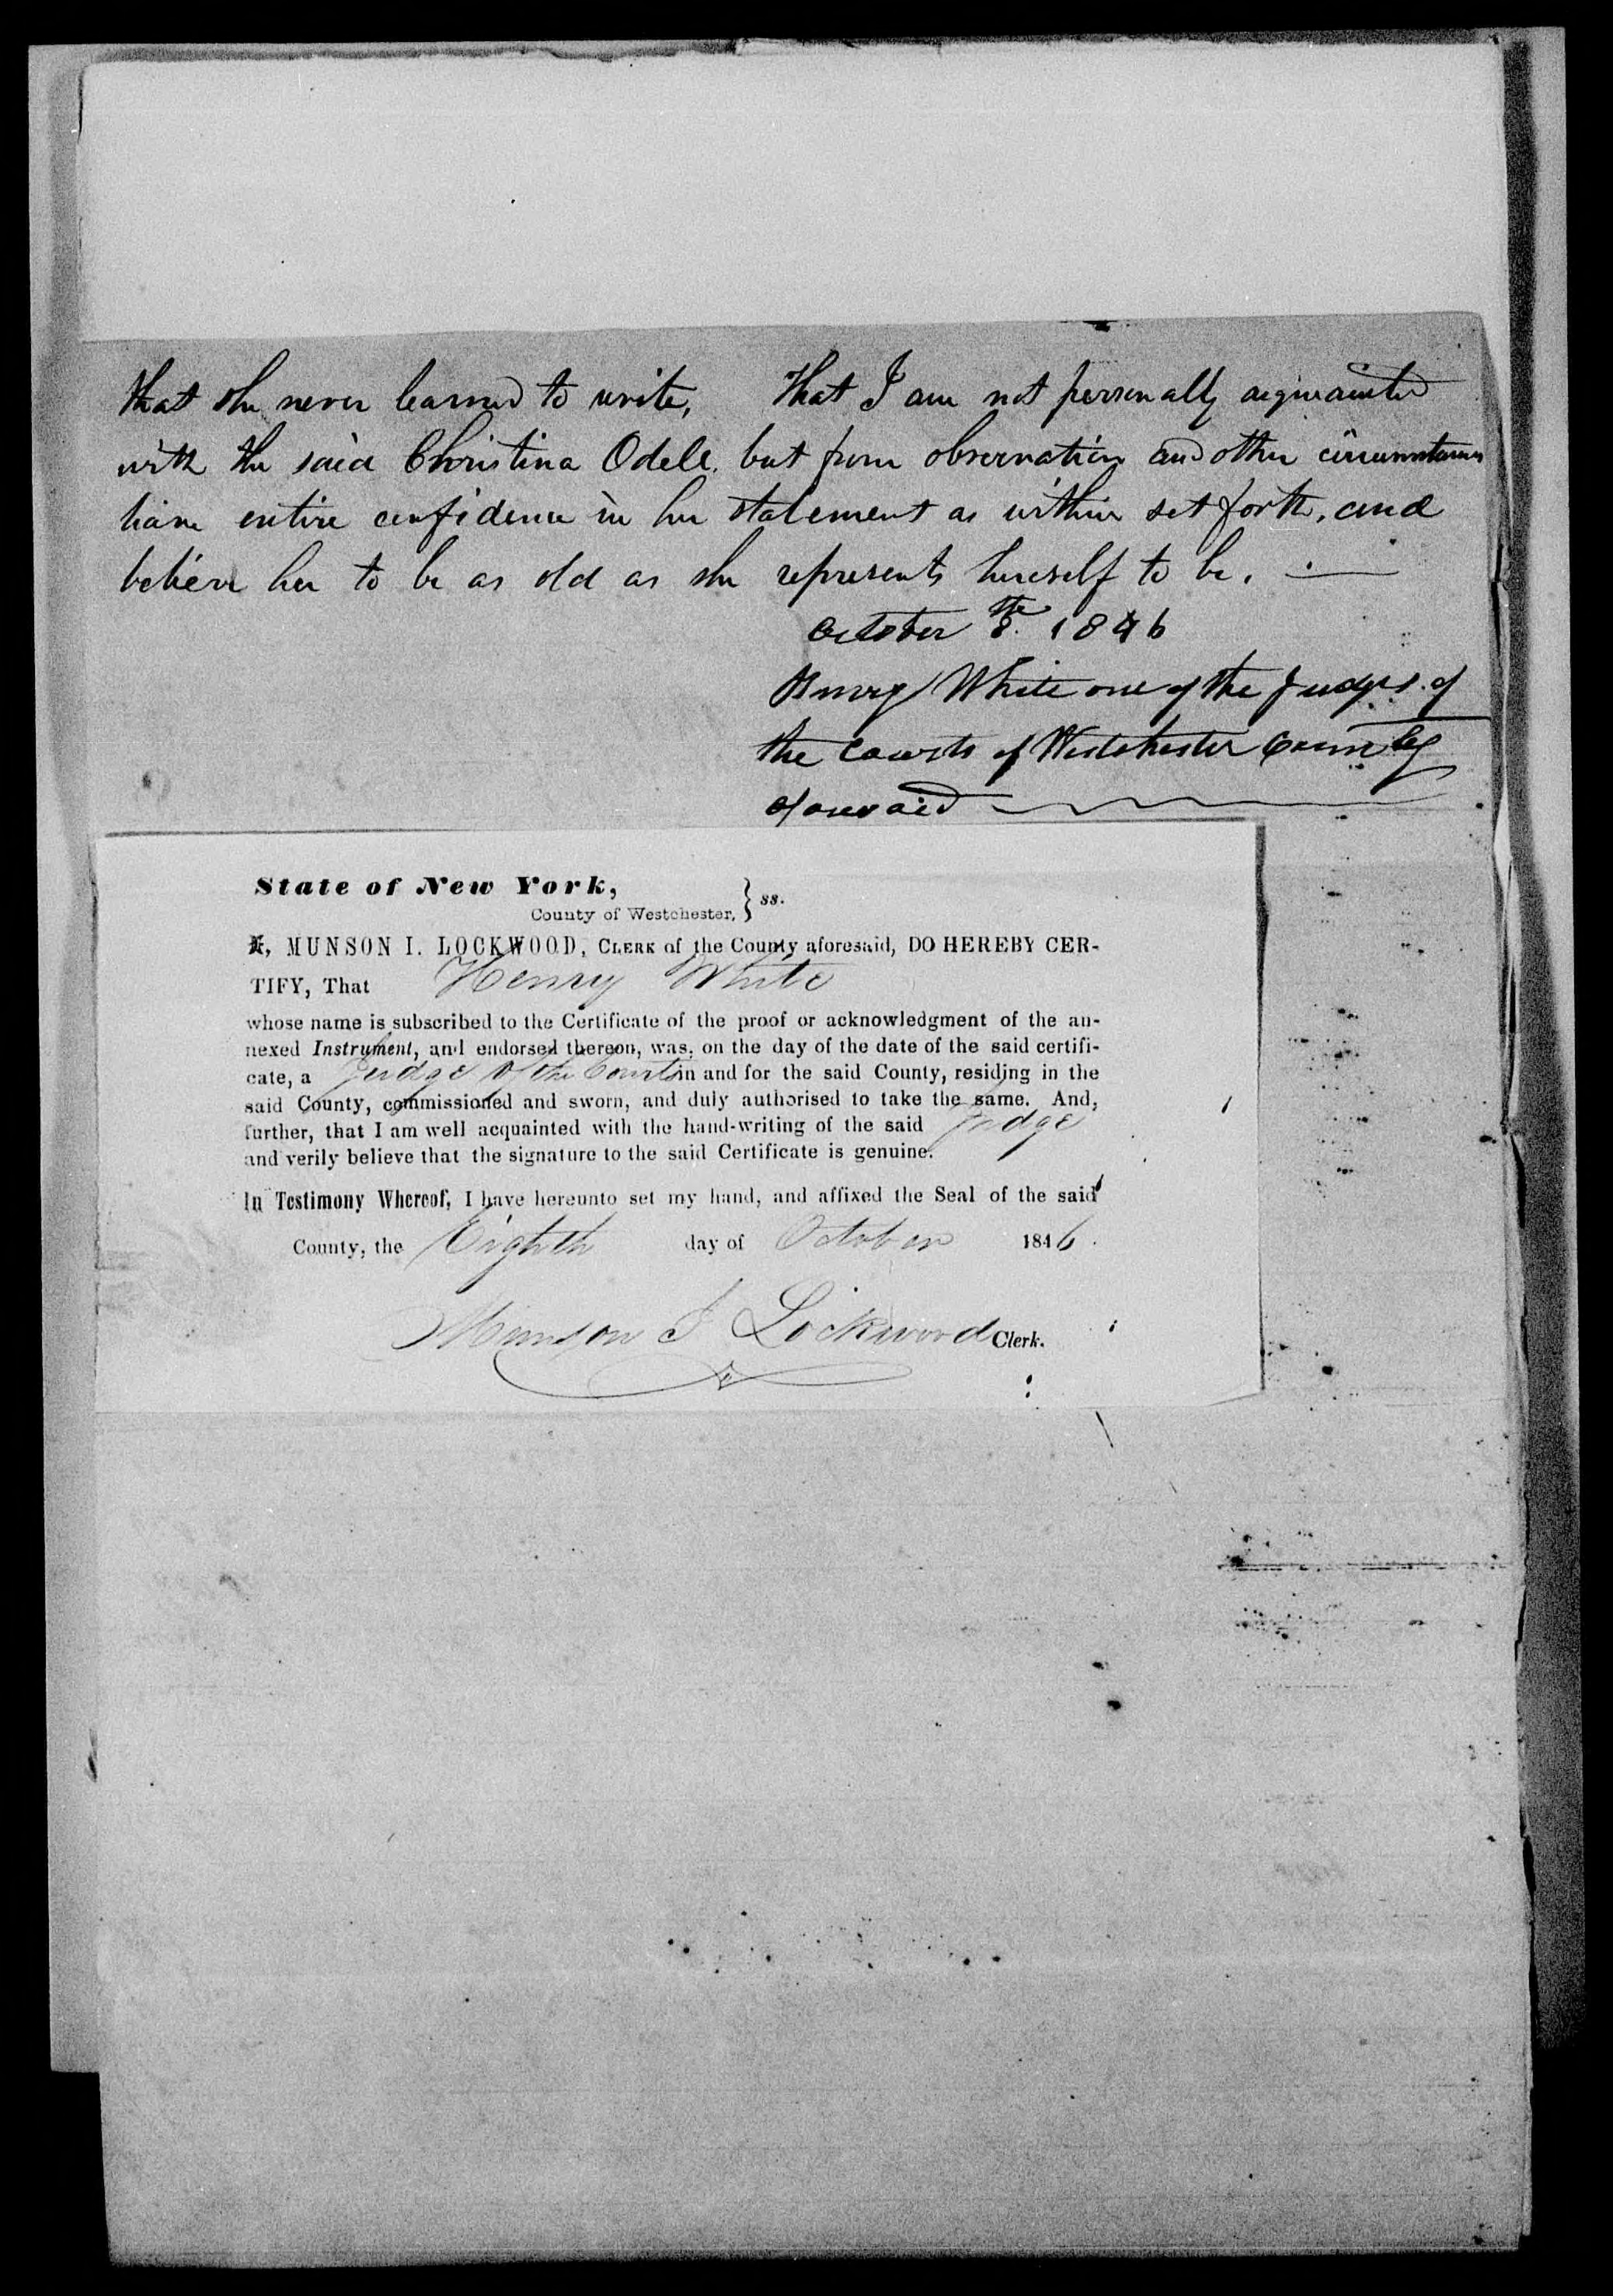that she never learned to write, That I am not personally acquainted with the said Christina Odele, but from observation and other circumstances have entire confidence in her statement as within set forth, and believe her to be as old as she represents herself to be. --
October 8th 1846 Henry White [signature] one of the Judges of the Courts of Westchester County aforesaid ---.

[printed form on a smaller piece of paper attached to the center of this page]  
State of New York, County of Westchester, } ss.
I, MUNSON I. LOCKWOOD, CLERK of the County aforesaid, DO HEREBY CERTIFY, That Henry White whose name is subscribed to the Certificate of the proof or acknowledgment of the annexed Instrument, [word in italics] and endorsed thereon, was, on the day of the date of the said certificate, a Judge of the Courts in and for the said County, residing in the said County, commissioned and sworn, and duly authorised to take the same. And, further, that I am well acquainted with the hand-writing of the said Judge and verily believe that the signature to the said Certificate is genuine.
In Testimony Whereof, I have hereunto set my hand, and affixed the Seal of the said County, the Eighth day of October 1846.
Munson I Lockwood [signature] Clerk.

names: Christina Odell; Munson I Lockwood; Henry White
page: 5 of 19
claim: widow's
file: W. 24363, for Abraham Odell, New York